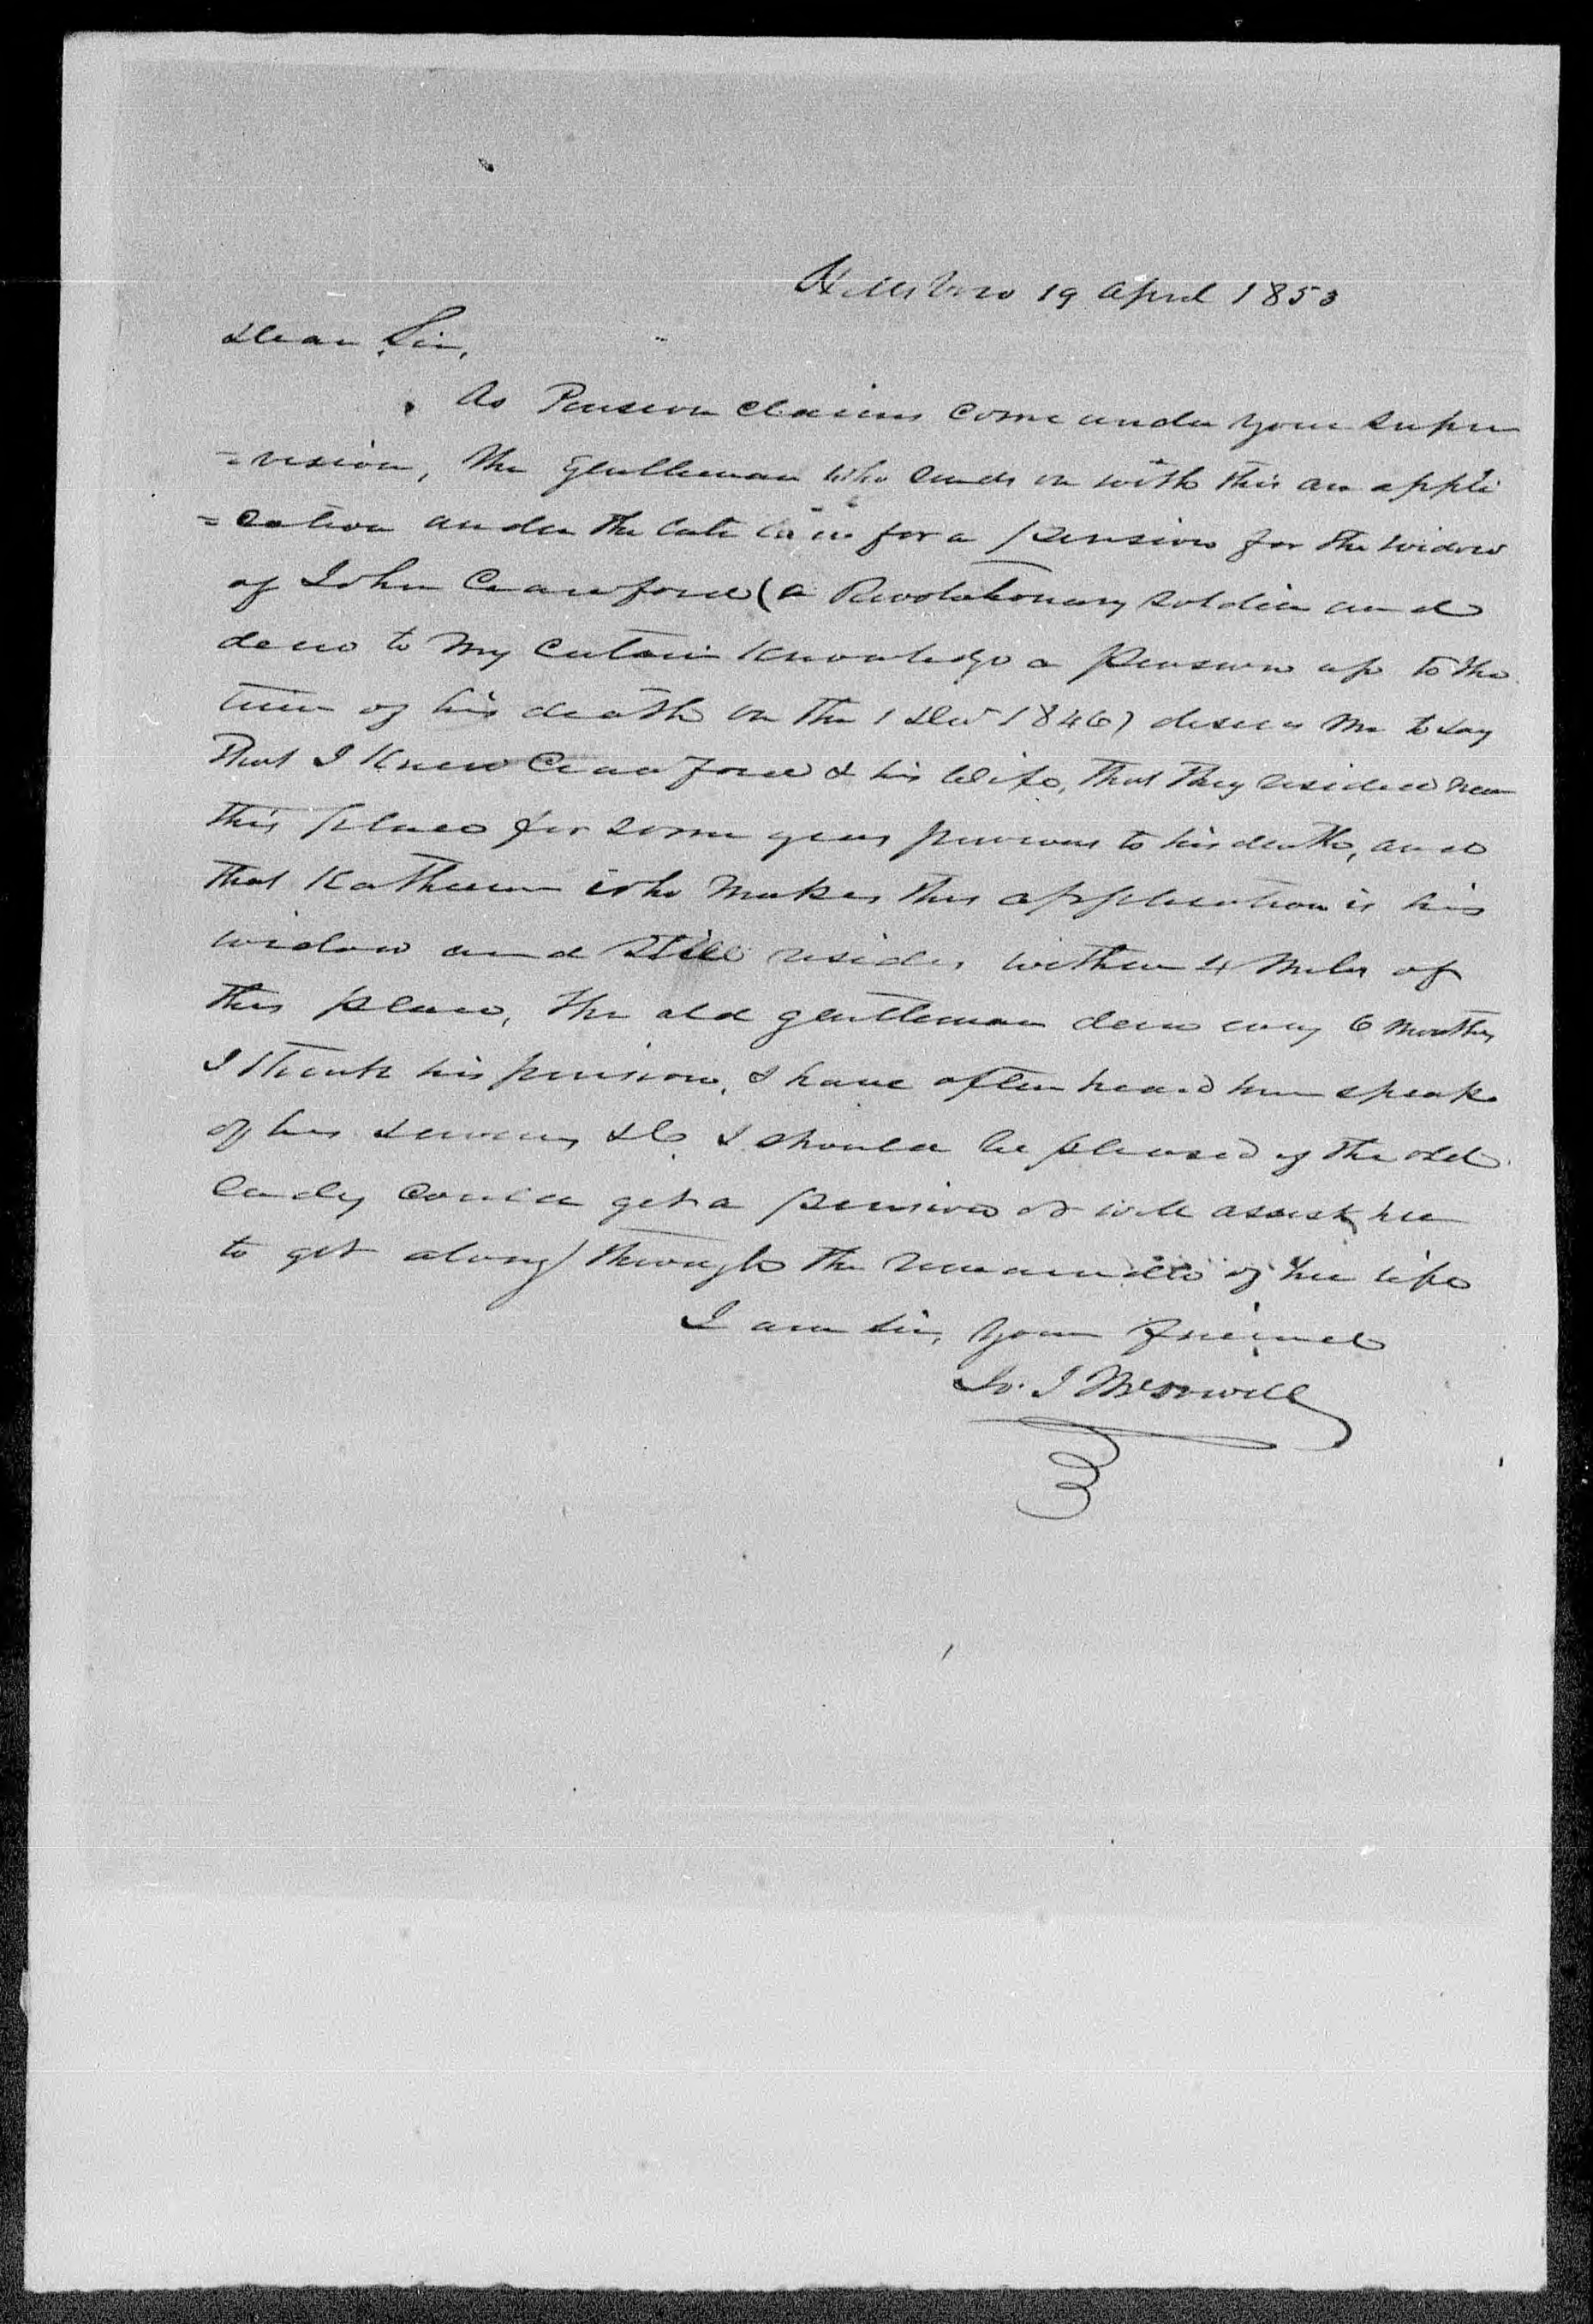Hillsboro 19 April 1850
Dear Sir,
As pension claims come under your supervision, the gentleman who ends in with this application under the late law for a pension for the widow of John Crawford (Revolutionary soldier and does to my certain knowledge a pension up to the time of his death on 1 Dec 1846) desires me to say
that I knew Crawford & his wife, that they resided in this place for some year previous to his death, and that Katherine who makes this application is his widow and still resides within 4 miles of this place, the old gentleman brings every 6 months his pension. I have often heard her speak of his services &c. I should be pleased of the old lady could get a pension, as it will assist her to get along or will assist her
to get along through the remainder of her life.
I am in your friend
W J Merwell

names: John Crawford, Crawford, Jo J Mc Dowell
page: 38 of 80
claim: widow's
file: W 2070, John Crawford, Penn.